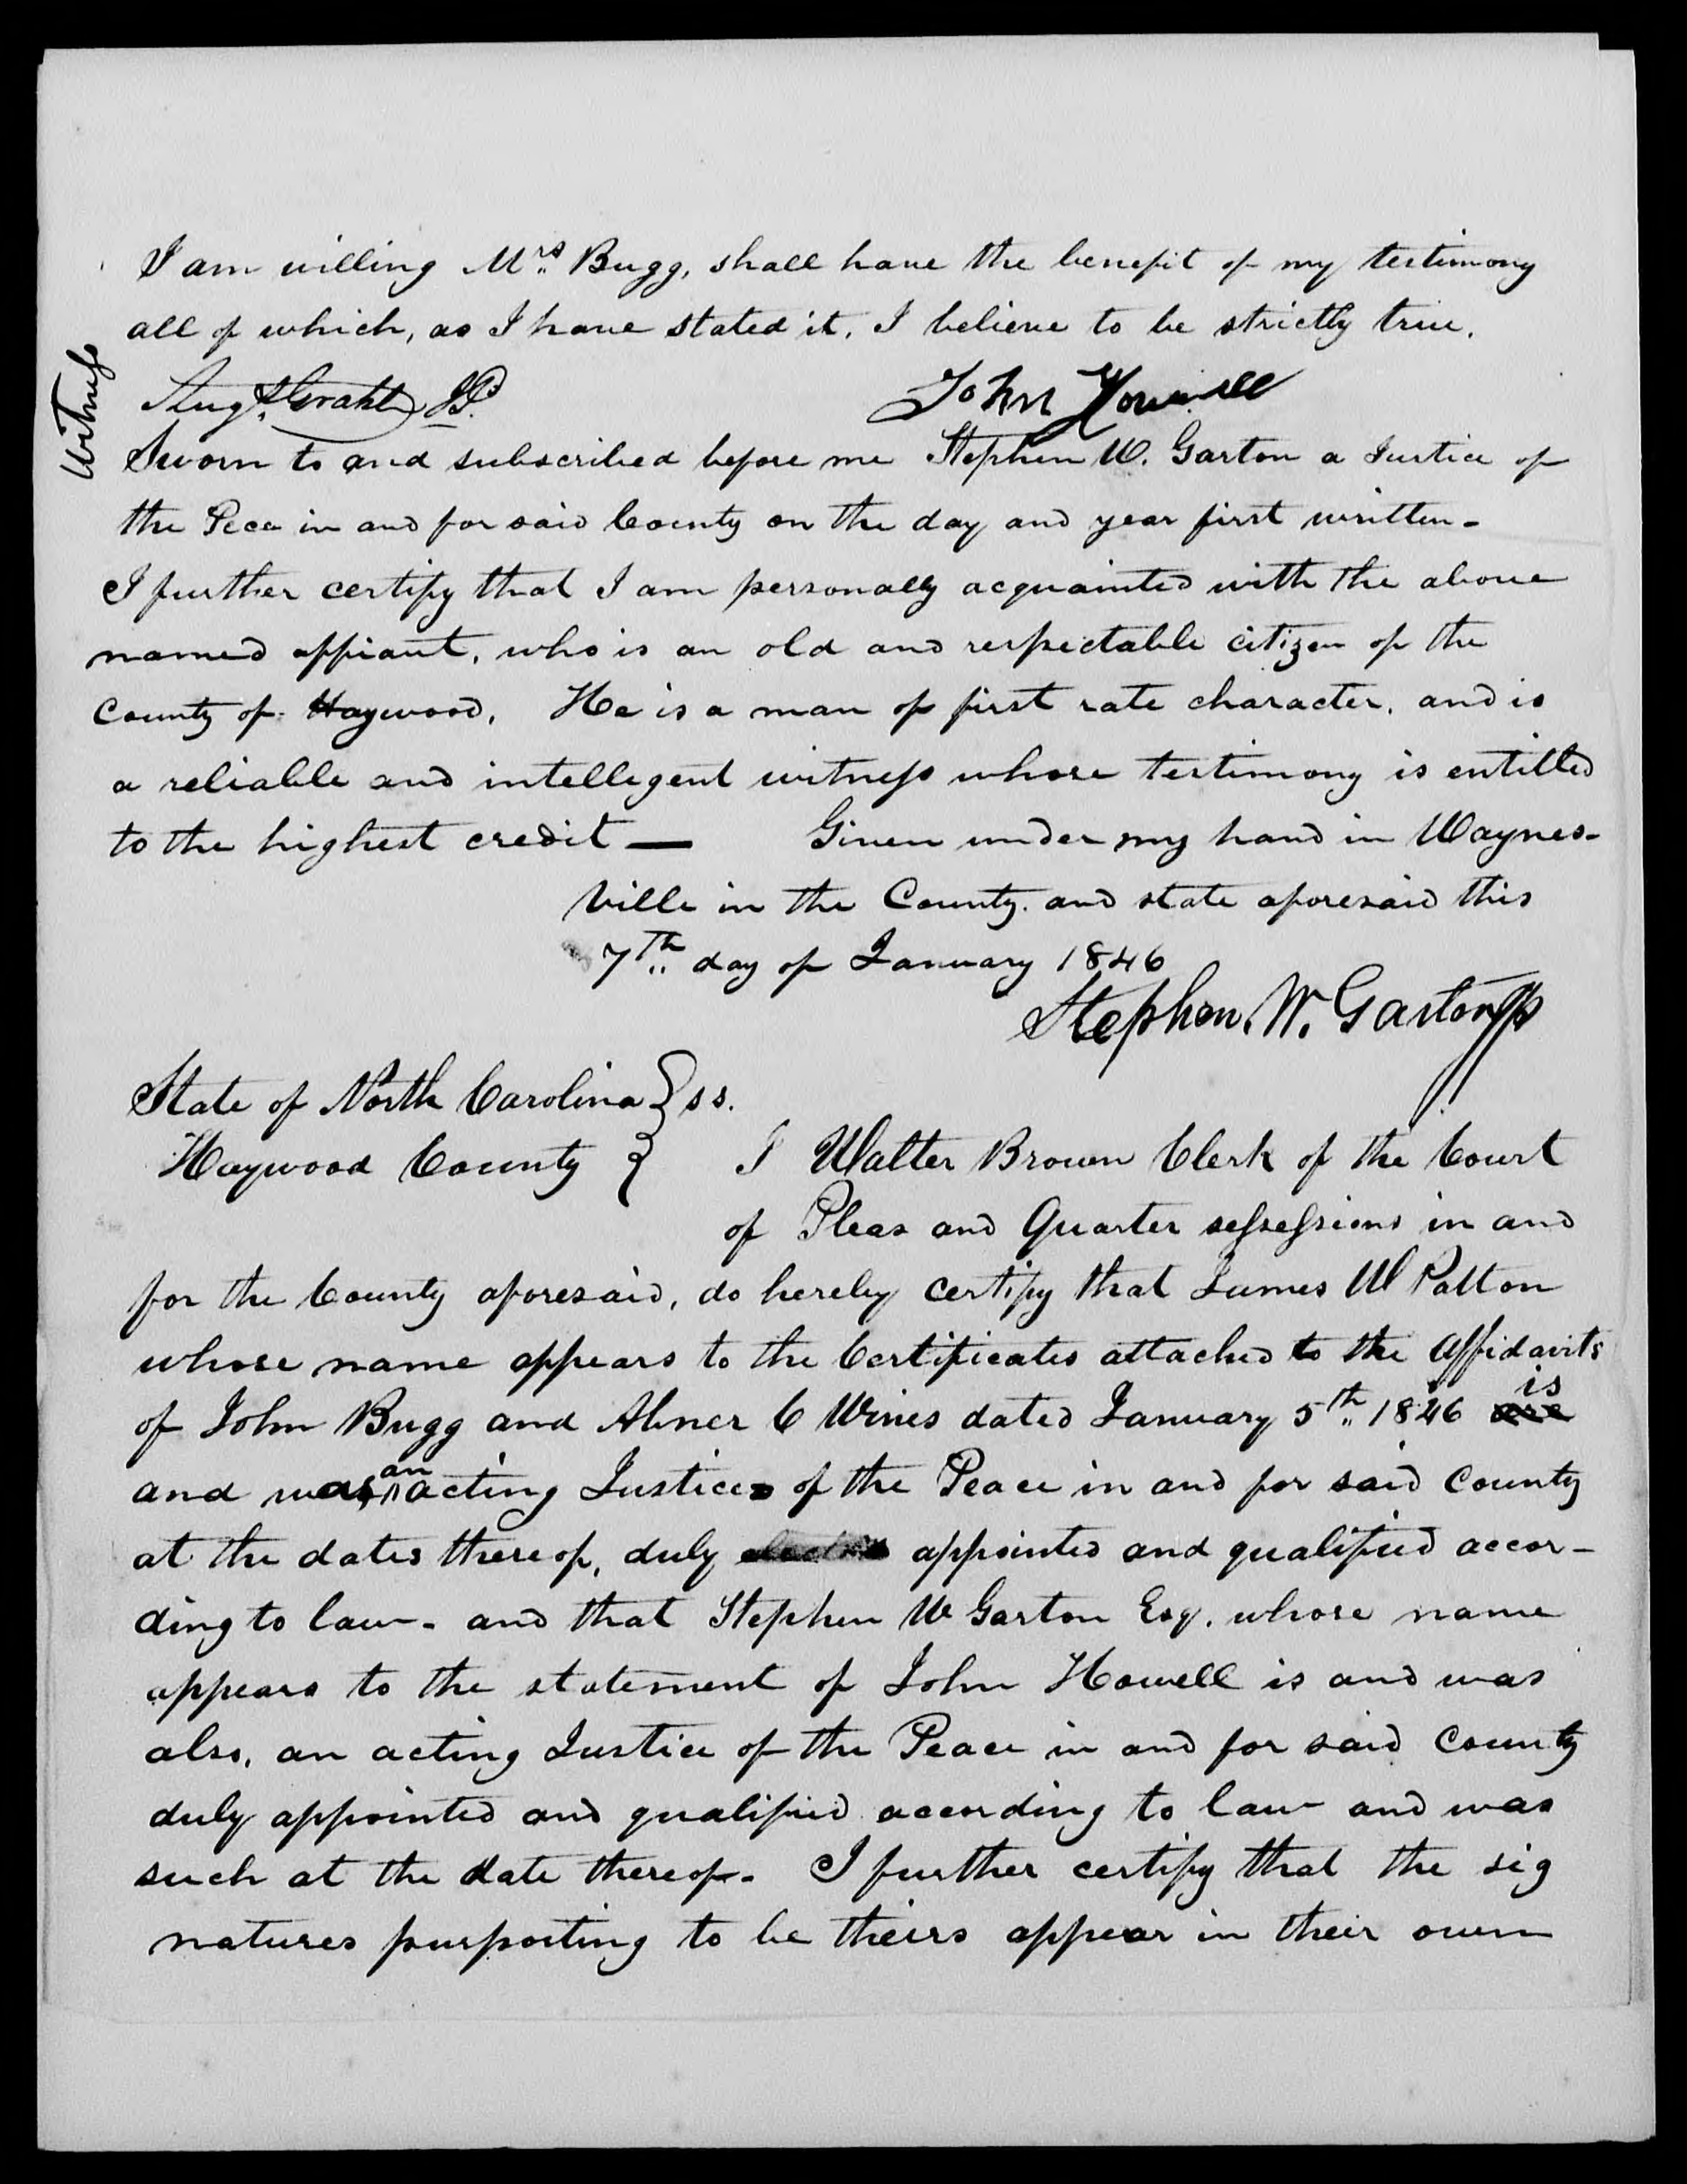I am willing Mrs. Bugg, shall have the benefit of my testimony all of which, as I have stated it. I believe to be strictly true.
[Written vertically to the left side of the record is the word "Witness."]  Augt. Grahl JP.  [Farther to the right, in darker ink, is a signature in a different handwriting:]  John Howell

Sworn to and subscribed before me Stephen W. Garton a Justice of the Pece [or Peace] in and for said County on the day and year first written - I further certify that I am personally acquainted with the above named affiant, who is an old and respectable citizen of the County of Haywood,   He is a man of first rate character, and is a reliable and intelligent witness whose testimony is entitled to the highest credit - Given under my hand in Waynesville in the County and state aforesaid this 7th day of January 1846  [Here there is a signature in darker ink and different handwriting:] Stephen W. Garton JP 

State of North Carolina}
Haywood County} ss.   I Walter Brown Clerk of the Court of Pleas and Quarter sessessions in and for the County aforesaid, do hereby certify that James W Patton whose name appears to the Certificates attached to the Affidavits of John Bugg and Abner C Wines dated January 5th 1846 [here the word "are" was crossed out, and "is" was written above] and was an acting Justice of the Peace in and for said County at the dates thereof, duly [here what looks like the partial word "elect-" was blotted out] appointed and qualified according to law.  and that Stephen W. Garton Esq. whose name appears to the statement of John Howell is and was also, an acting Justice of the Peace in and for said County duly appointed and qualified according to law and was such at the date thereof.  I further certify that the signatures purporting to be theirs appear in their own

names: Stephen W Garton, John Howell, John Bugg, Stephen W Garton, Bugg, John Howell, Augs Grahl, Walter Brown, James M Patton, Stephen W Garton, Abner C Wines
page: 14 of 50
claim: widow's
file: W. 898, William Bugg, N.C.